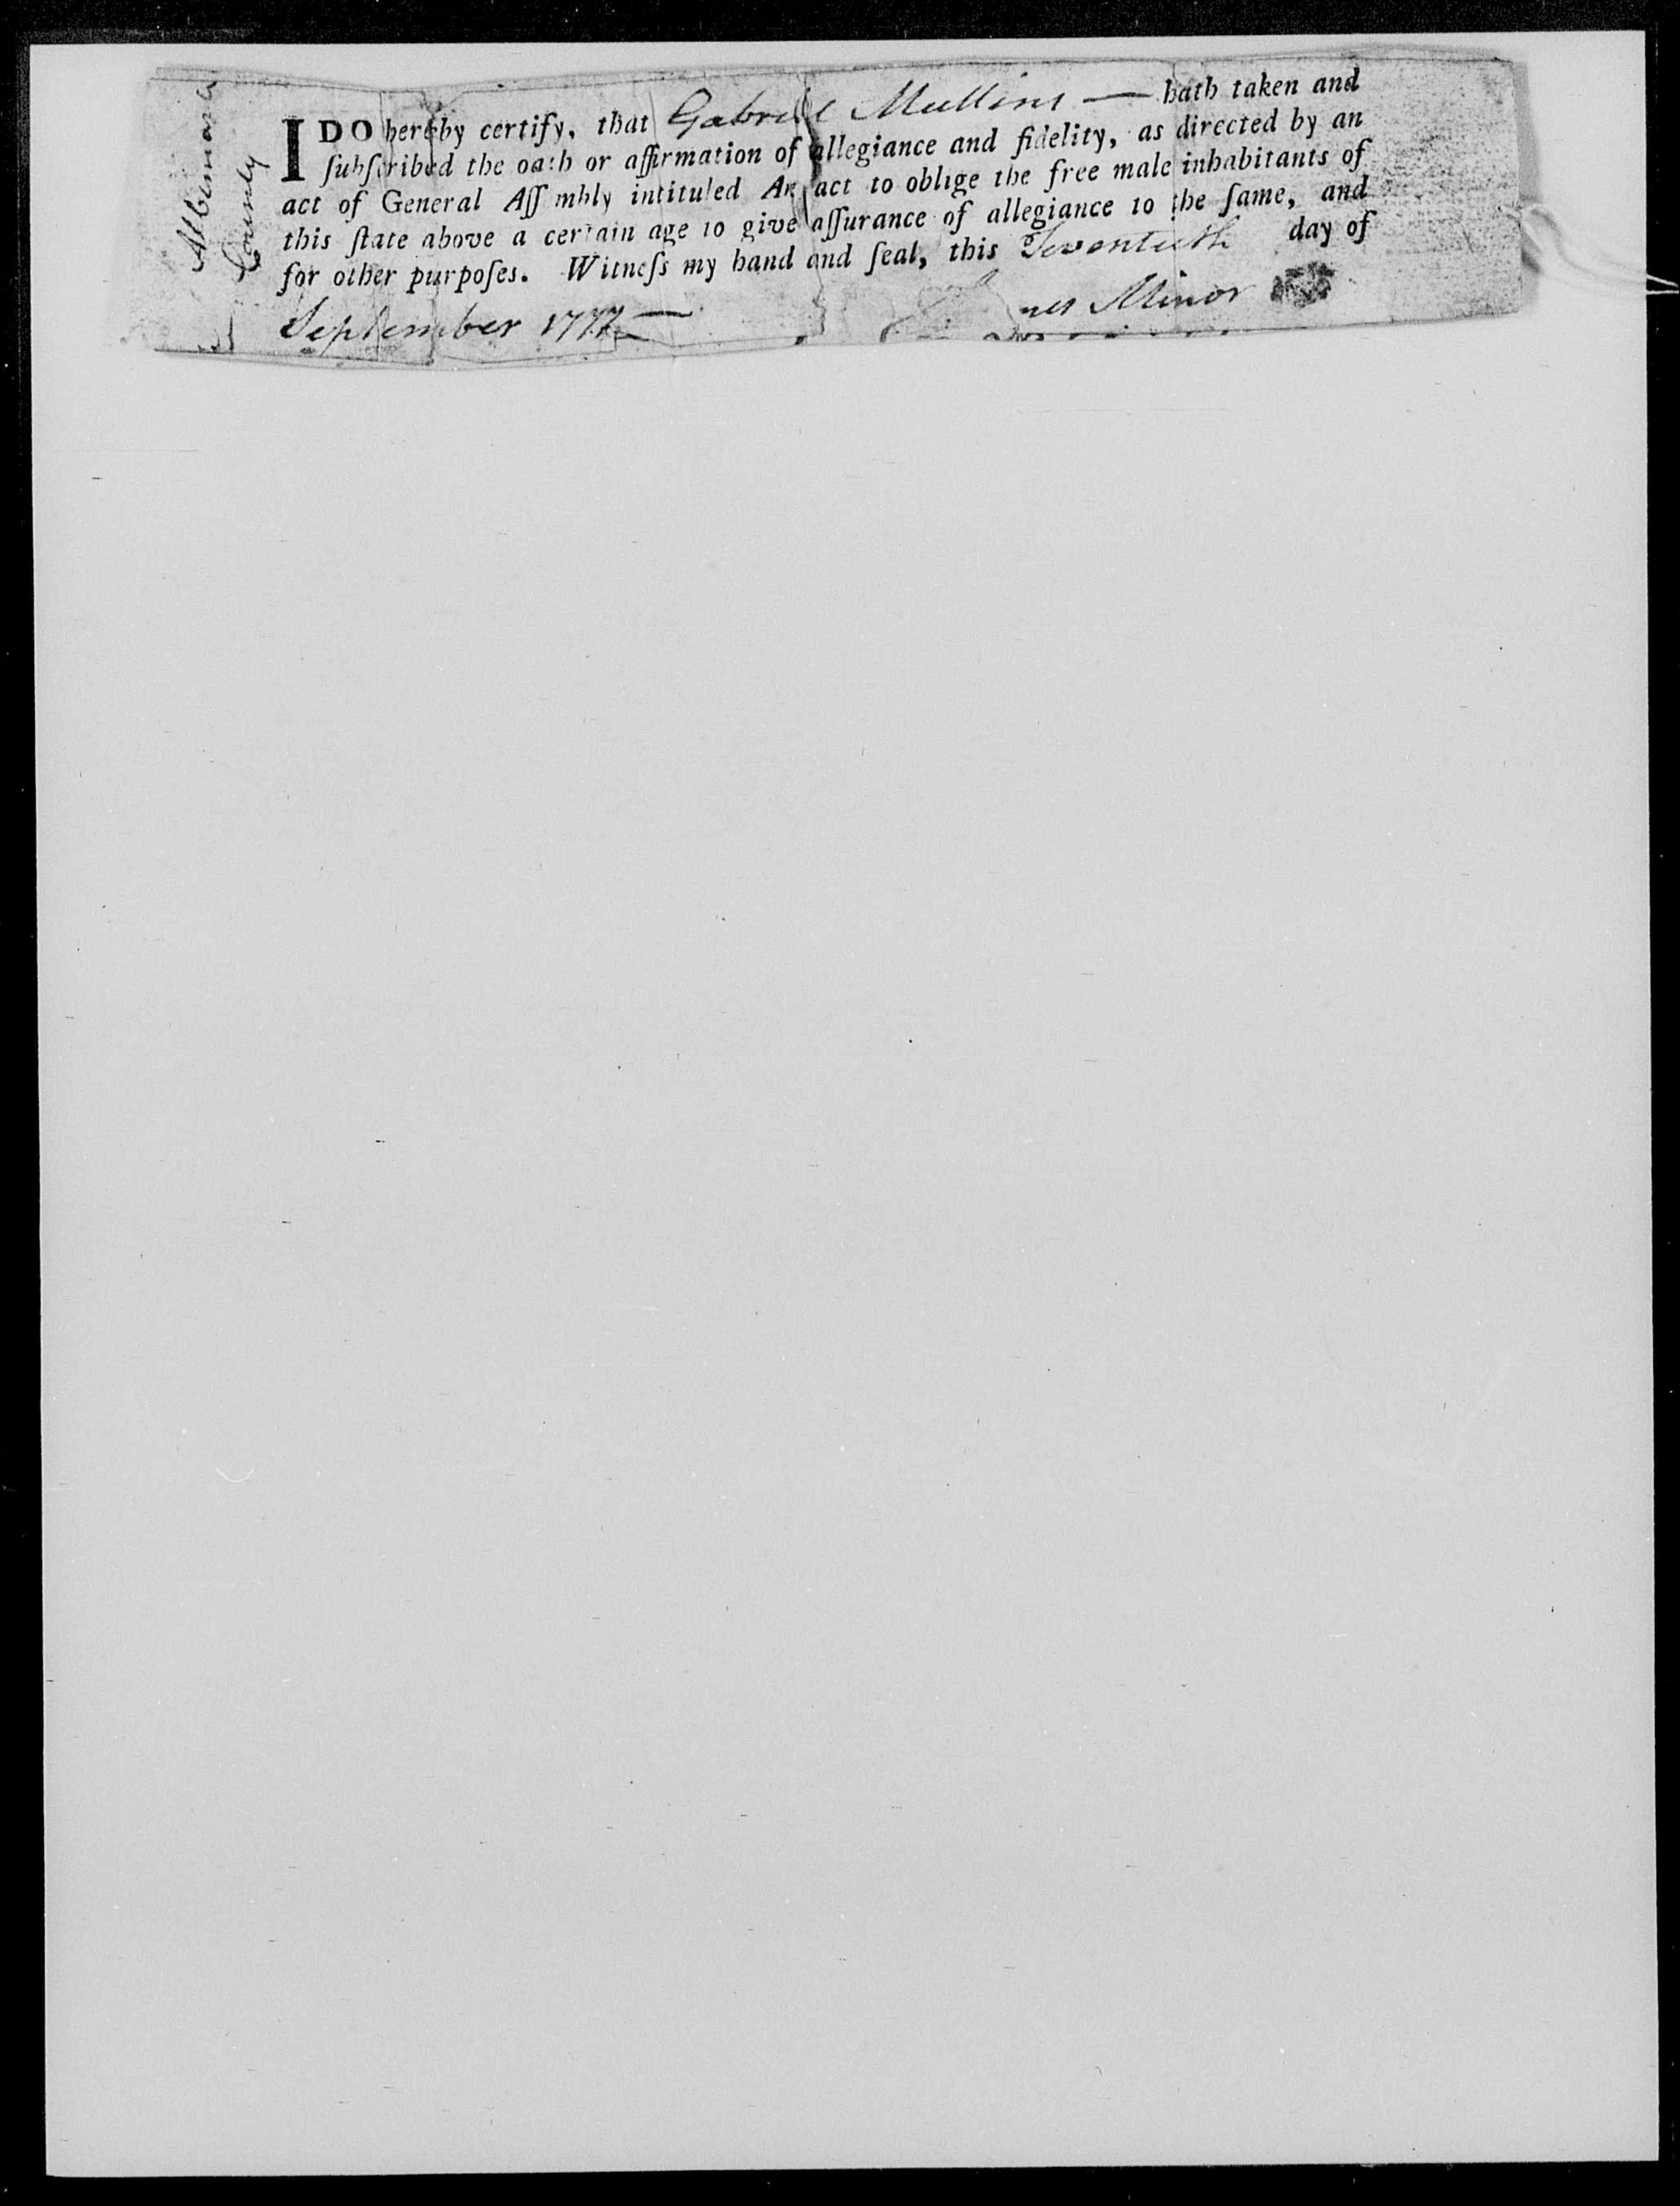I Do hereby certify, that Gabriel Mullins hath taken and
subscribed the oath of affirmation of allegiance and fidelity, as directed by an
act of General Assembly intituled An Act to oblige the free male inhabitants of
this state above a certain age to give assurance of allegiance to the same, and
for other purposes. Witness my hand and seal this Seventeenth day of
September 1777 - James Minor

[handwritten in left margin:] Albemarle County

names: James Minor; Gabriel Mullins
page: 22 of 34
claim: survivor's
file: S. 30608, for Gabrel Mullins, Virginia